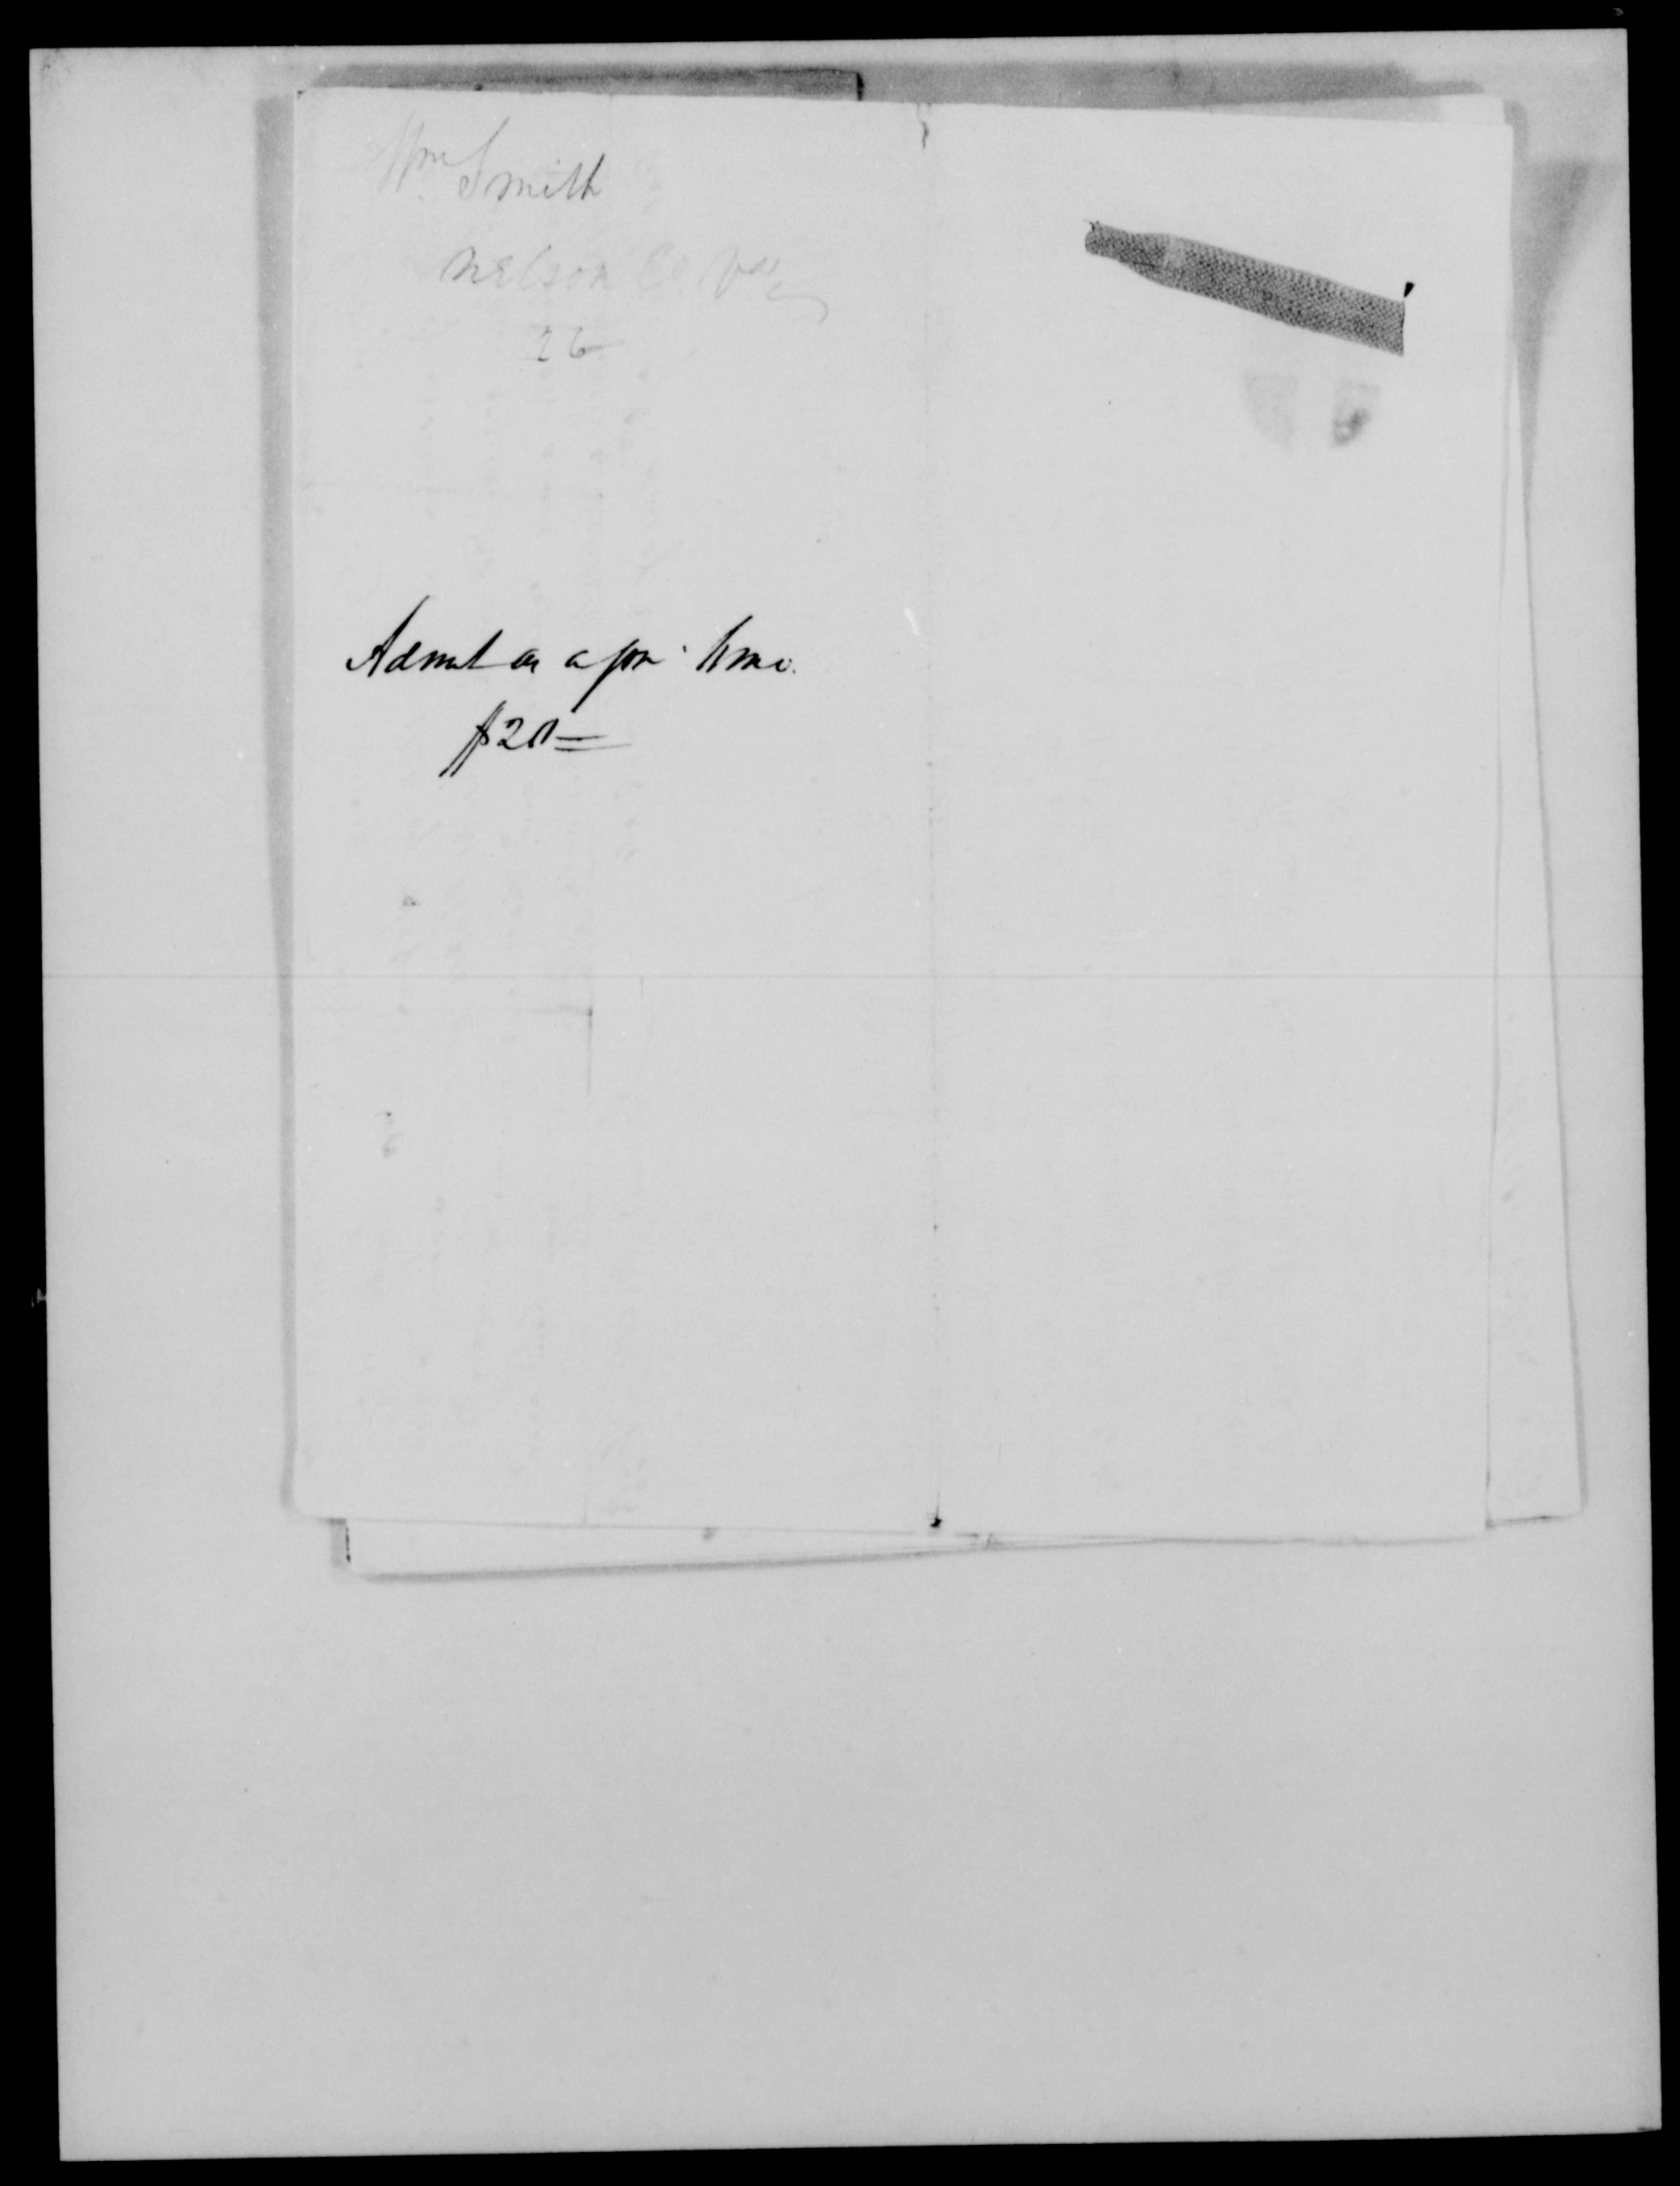Wm. Smith
Nelson Co Va ~
26

Admt as a pr 4 mo.
$20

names: Wm Smith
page: 2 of 22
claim: widow's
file: W. 4,806, for William Smith, Virginia